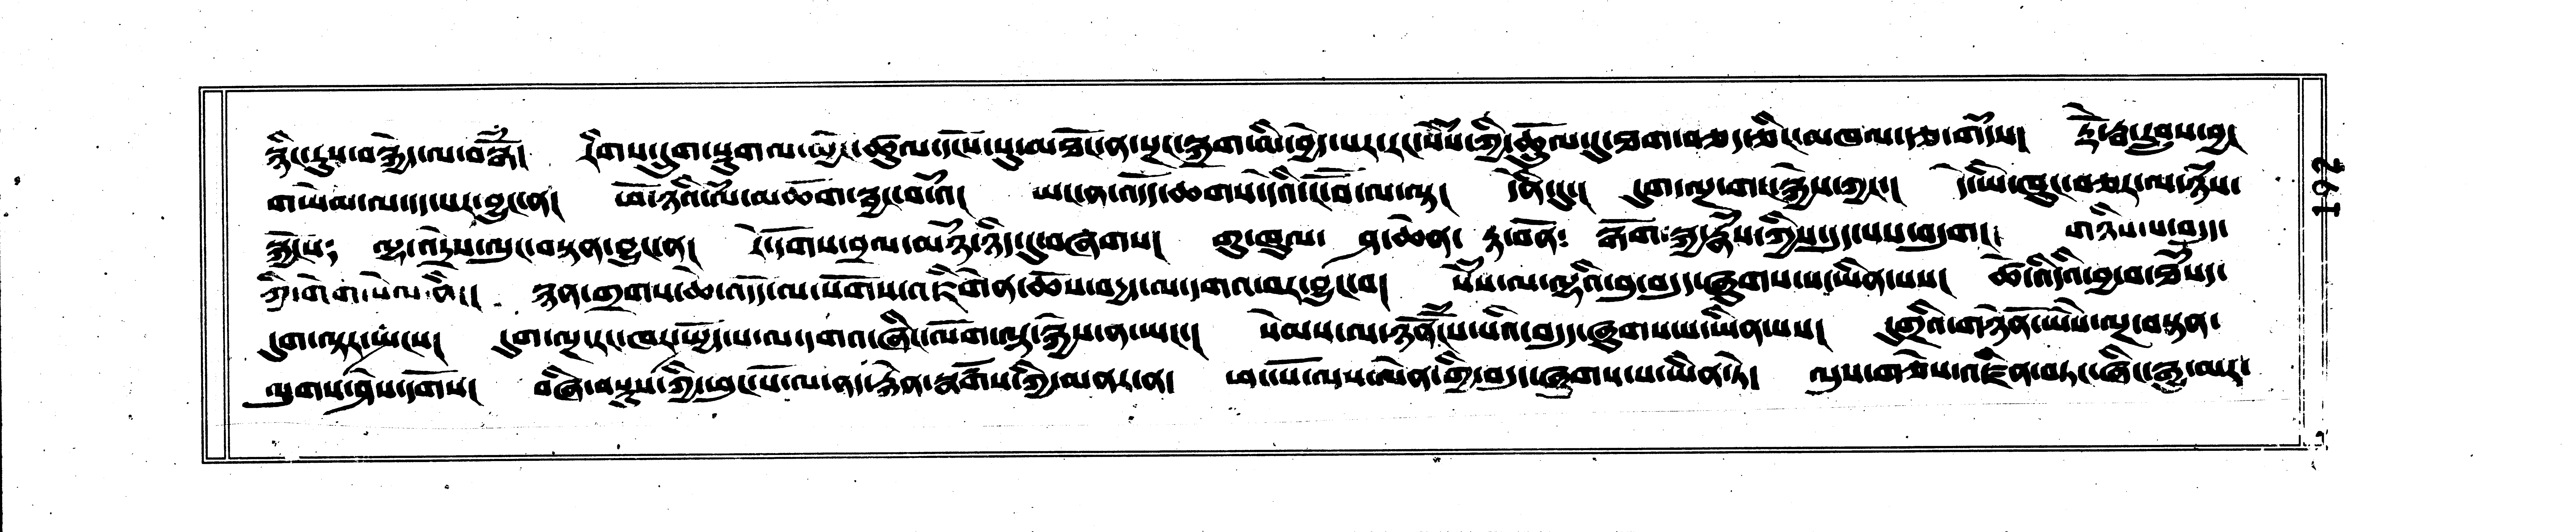སྙིང་རུས་བསྐྱེད་ལ་བསྒོམ། རིགས་དྲུག་སྡུག་བསྔལ་མྱོང་ཚུལ་དངོས་སུ་མཐོང་ན་སྔངས་སྐྲག་མི་བྱེད་པར་རང་སེམས་ཀྱི་ཆོ་འཕྲུལ་དུ་ཐག་བཅད་ཅིང་མཁལ་རྩ་བསྡམས། རྡོ་རྗེ་རྦ་རླབས་བྱ། 
གཡེམ་ལ་དད་པར་བྱུང་ན། ཕོ་ཉའི་ལམ་མཆོག་སྦྱང་བའམ། ཡང་ན་འདོད་ཆགས་དེའི་ངོ་བོ་ལ་བལྟ། དེ་བཞིན་དུ་དུག་ལྔ་གང་སྐྱེས་ཀྱང་། དེ་ཡི་ཁུང་བཅར་ལ་ཉམས་
སྐྱོང་། ལྷ་འདྲེས་ལུང་བསྟན་བྱུང་ན། རེ་དྭོགས་བྲལ་མཉམ་ཉིད་ངང་དུ་བཞག གུ་ཁུལ་ཤ་ཆེན་རྟ་བོན་སྒོ་སྐྱ་རྣམས་ཀྱི་དུད་པས་བདུག །གཉིས་པ་བདུད་
ཀྱི་གེག་སེལ་ནི། སྙན་གྲགས་ཆེ་འདོད་ལ་སོགས་འཇིག་རྟེན་ཆོས་བརྒྱད་ལ་དགའ་བར་བྱུང་བ་སེམས་ལ་ལྷའི་བུའི་བདུད་ཞུགས་པ་ཡིན་པས། ཚེ་འདིའི་བྱ་བ་ཐམས་
དུག་ལྟར་སྤངས། དུག་ལྔ་རང་ཁར་སྤྱོད་པ་ལ་དགའ་ཞིང་ལོག་ལྟ་སྐྱེས་ན་ཡང་། སེམས་ལ་ཉོན་མོངས་པའི་བདུད་ཞུགས་པ་ཡིན་པས། དུག་ལྔའི་གཉེན་པོ་ཡེ་ཤེས་ལྔ་བསྟེན་
ལུགས་ཤེས་དགོས། བཞི་བསྡུས་ཀྱི་ཕུང་པོ་ལ་ནད་རྐྱེན་སྣ་ཚོགས་ཀྱིས་མནར་ན། ཕུང་པོ་ལུས་ལེན་གྱི་བདུད་ཞུགས་པ་ཡིན་ཏེ། ལུས་གཅེས་འཛིན་བཏང་ཞིང་སྒྱུ་མར་